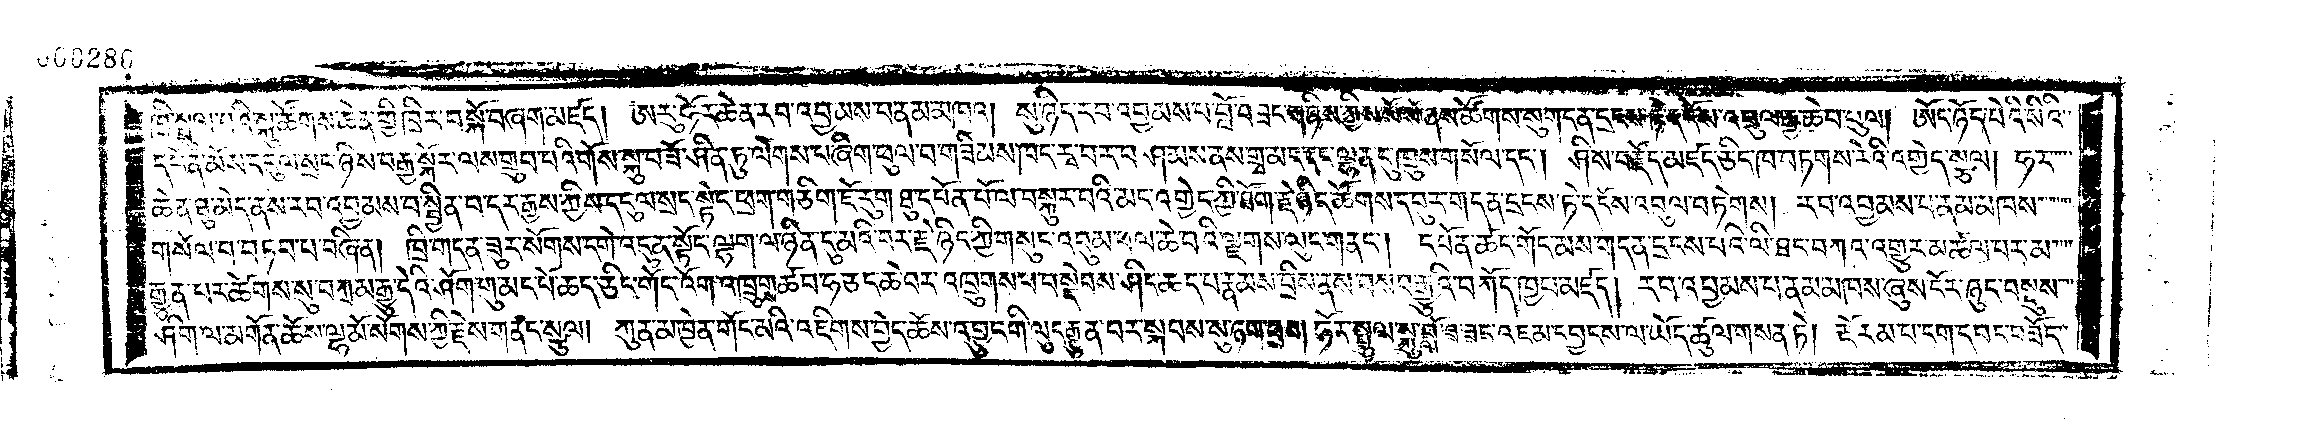ཁྲི་སྤྲུལ་བའི་སྐུ་ཚོགས་ཆེན་གྱི་ཁྲིར་བསྐོ་བཞག་མཛད། ཨ་རུ་ཧོར་ཆེན་རབ་འབྱམས་པ་ནམ་མཁའ། སུ་ཉིད་རབ་འབྱམས་པ་བློ་བཟང་གཉིས་ཀྱིས་སོ་སོ་ནས་ཚོགས་སུ་གདན་དྲངས་ཏེ་དངོས་འབུལ་རྒྱ་ཆེ་བ་ཕུལ། ཨོང་ཉོད་པེའི་སིའི་
དཔོན་མོས་དངུལ་སྲང་ཉིས་བརྒྱ་སྐོར་ལས་གྲུབ་པའི་གོས་སྐུ་བཟོ་ཤིན་ཏུ་ལེགས་པ་ཞིག་ཕུལ་བ་གཟིམས་ཁང་རྭ་བར་བཤམས་ནས་གྲྭ་མང་དང་ལྷན་དུ་ཁྲུས་གསོལ་དང་། ཤིས་བརྗོད་མཛད་ཅིང་ཁ་བཏགས་རེའི་འགྱེད་སྩལ། ཧར་
ཆེན་ཐུ་མེད་ནས་རབ་འབྱམས་པ་སྦྱིན་པ་དར་རྒྱས་ཀྱིས་དངུལ་སྲང་སྟོང་ཕྲག་གཅིག་ཇོ་རུག་ཐུ་དབོན་པོ་ལ་བསྐུར་བའི་མང་འགྱེད་ཀྱི་ཐོག་རྗེ་ཉིད་ཚོགས་དབུར་གདན་དྲངས་ཏེ་དངོས་འབུལ་བཏེགས། རབ་འབྱམས་པ་ནམ་མཁས་
གསོལ་བ་བཏབ་པ་བཞིན། ཁྲི་གདན་ཟུར་སོགས་དགེ་འདུན་སྟོང་ལྷག་ལ་ཉིན་དུ་མའི་བར་རྗེ་ཉིད་ཀྱི་གསུང་འབུམ་ཕལ་ཆེ་བའི་ལྗགས་ལུང་གནང་། དཔོན་ཚང་གོང་མས་གདན་དྲངས་པའི་ལི་ཐང་བཀའ་འགྱུར་མཚལ་པར་མ་
རྒྱུན་པར་ཚོགས་སུ་བཀྲམ་རྒྱུ་དེའི་ཤོག་གུ་མང་པོ་ཆད་ཅིང་གོང་འོག་འཁྲུགས་ཚབ་ཧ་ཅང་ཆེད་བར་འཁྲུགས་པ་བསྡེབས་ཤིང་ཆད་པ་རྣམས་བྲིས་ནས་བསབ་རྒྱུའི་བཀོད་ཁྱབ་མཛད། རབ་འབྱམས་པ་ནམ་མཁས་ཞུས་ངོར་ཉུང་བསྡུས་
ཤིག་ལ་མགོན་ཆོས་ལྷ་མོ་སོགས་ཀྱི་རྗེས་གནང་སྩལ། ཀུན་མཁྱེན་གོང་མའི་འཇིགས་བྱེད་ཆོས་འབྱུང་གི་ལུང་རྒྱུན་བར་སྐབས་སུ་ཉག་ཕྲ་བ། ཧོར་སྤྲུལ་སྐུ་བློ་བཟང་འཇམ་དབྱངས་ལ་ཡོད་ཚུལ་གསན་ཏེ། རྡོ་རམ་པ་ངག་དབང་བཟོད་